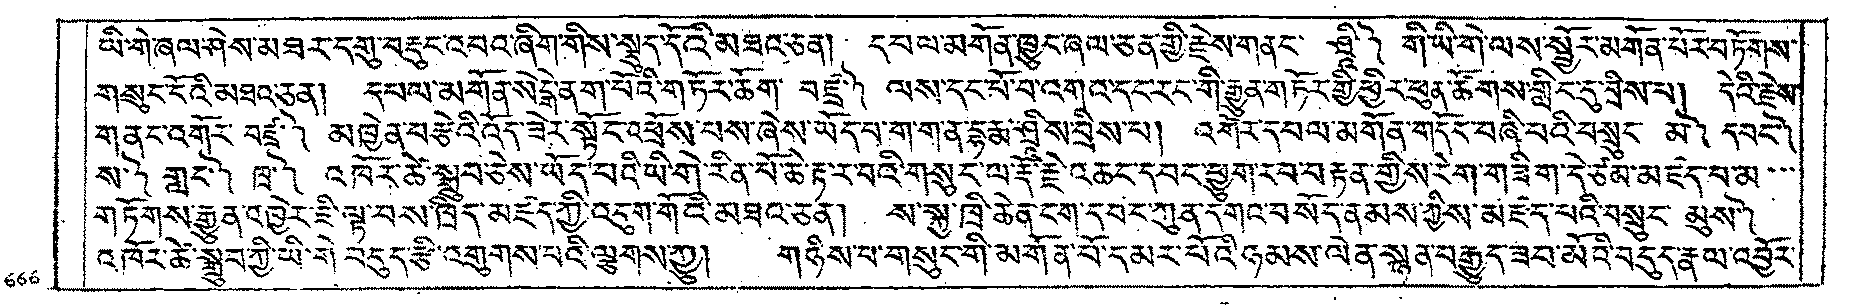ཡི་གེ་ཞལ་ཤེས་མཐར་དགུ་བརྡུང་འབའ་ཞིག་གིས་སྡུད་དོའི་མཐའ་ཅན། དཔལ་མགོན་ཁྱུང་ཞལ་ཅན་གྱི་རྗེས་གནང་ཤྲ྄ཱི་གི་ཡི་གེ་ལས་སྦྱོར་མགོན་པོར་བཏོགས་
གསུང་ངོའི་མཐའ་ཅན། དཔལ་མགོན་སེངྒེ་ནག་པོའི་གཏོར་ཆོག་བཛྲ྄་ལས་དང་པོ་བ་འགའ་དང་རང་གི་རྒྱུན་གཏོར་གྱི་ཕྱིར་ཕུན་ཚོགས་གླིང་དུ་བྲིས་པ། དེའི་རྗེས་
གནང་འགོར་བཛྲ྄་མཁྱེན་བརྩེའི་འོད་ཟེར་སྟོང་འཕྲོས་པས་ཞེས་ཡོད་པ་ག་ག་ན་དྷརྨ་ཤྲཱིས་བྲིས་པ། འགོར་དཔལ་མགོན་གདོང་བཞི་བའི་བསྲུང་མ྄་དབང྄
ས྄་གླང྄་ཁྲ྄་འཁོར་ཚེ་སྒྲུབ་ཅེས་ཡོད་པའི་ཡི་གེ་རིན་པོ་ཆེ་རྟ་ར་བའི་གསུང་ལ་རྡོ་རྗེ་འཆང་དབང་ཕྱུག་རབ་བརྟན་གྱིས་རེག་གཟིག་དེ་ཙམ་མཛད་པ་མ་
གཏོགས་རྒྱུན་འཁྱེར་ཇི་ལྟ་བས་ཁྲིད་མཛད་ཀྱི་འདུག་གོའི་མཐའ་ཅན། ས་སྐྱ་ཁྲི་ཆེན་ངག་དབང་ཀུན་དགའ་བསོད་ནམས་ཀྱིས་མཛད་པའི་བསྲུང་མུས྄
འཁོར་ཚེ་སྒྲུབ་ཀྱི་ཡི་གེ་བདུད་རྩི་འགུགས་པའི་ལྕགས་ཀྱུ། གཉིས་པ་གསུང་གི་མགོན་པོ་དམར་པོའི་ཉམས་ལེན་སྙན་བརྒྱུད་ཟབ་མོའི་བདུད་རྣལ་འབྱོར་